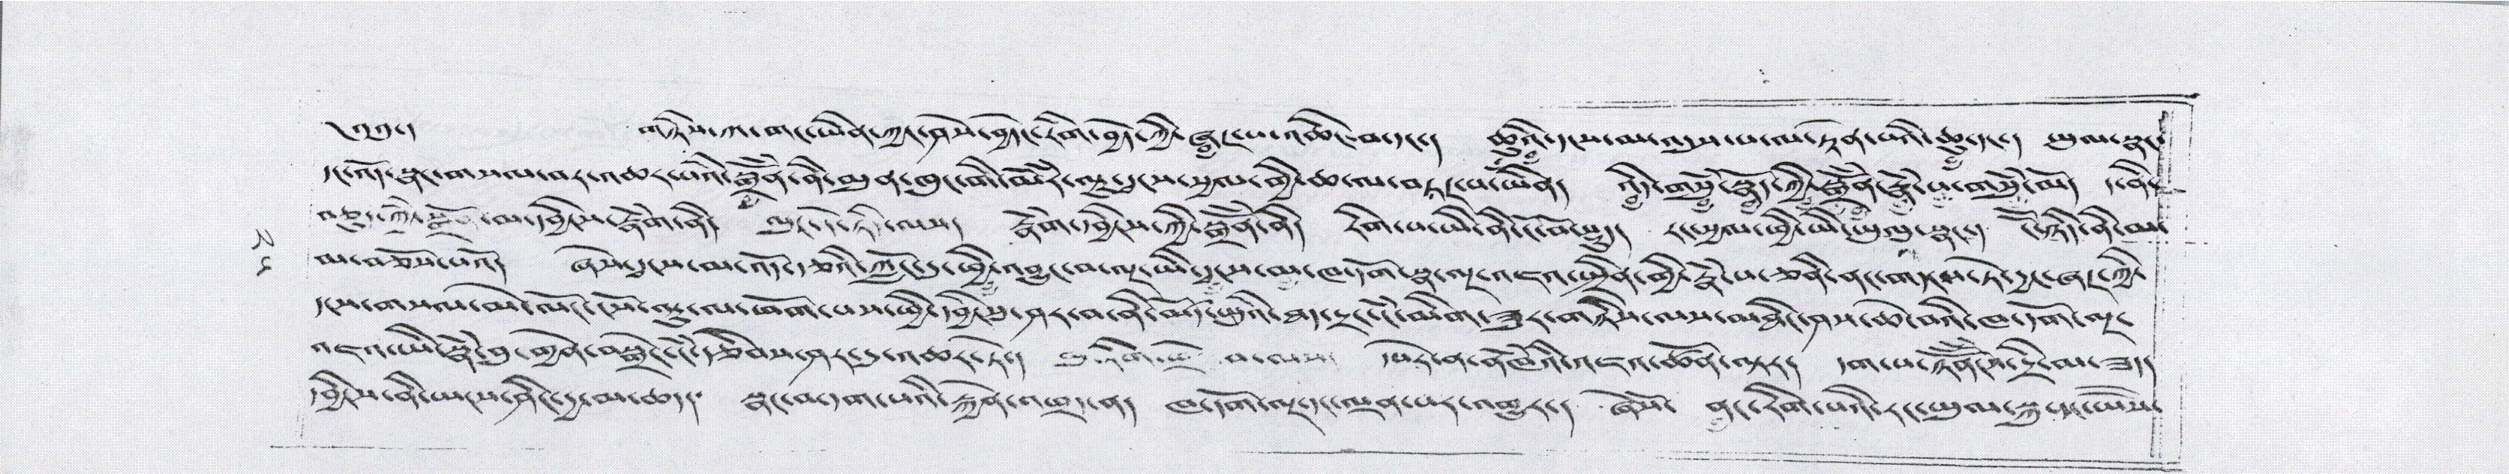གཉིས་ཀ་གང་ཡིན་ཡང་ཤེས་བྱེད་དང་རིག་བྱེད་ཀྱི་ཞགས་པ་འཆིང་བ་དང་། ཆུའི་དྭངས་མ་འདུས་པ་ལ་བརྟེན་པའི་ཆུ་དང་། ཡུལ་སྣང་
དང་འོད་སྣང་གསལ་བར་འཆར་བའི་སྒྲོན་མ་ནི་མུན་ཁུང་དུ་མར་མེ་ལྟ་བུ་དྭངས་གསལ་གྱི་ཆ་ལ་བཏགས་པ་ཡིན། འདི་གསུམ་སྣོད་ཀྱི་སྒྲོན་མ་རྣམ་གསུམ་མོ། ད་ནི་
བཅུད་ཀྱི་སྒྲོན་མ་དབྱིངས་རྣམ་དག་ནི། ལུང་དེ་ཉིད་ལས། རིག་པ་ཡེ་ནས་ངོ་བོ་སྡུད། རང་གསལ་གྱི་ཡེ་ཤེས་ཡུལ་དུ་སྣང་། ངོ་བོ་ཉིད་ནི་མ་
བཅོས་པའོ། ཞེས་དྭངས་མ་འོད་རྩའི་ཀློང་དུ་ཕྱི་འབྱུང་བ་ལྔ་ཡི་དྭངས་མ་ཁ་དོག་སྣ་ལྔ་འཇའ་སྤྲིན་གྱི་རྣམ་པ་ཅན་ནི་རང་གདངས་ཏེ་རྒྱང་ཞགས་ཀྱི་
དྭངས་གསལ་མེ་ལོང་ངོས་ལྟ་བུ་ལ་ཕྱི་དབྱིངས་སུ་ཤར་བ་ནི་མཛོད་སྤུའི་ཐད་དྲང་ངམ་མིག་ཟུར་གཉིས་ལས་མཐིང་ཤས་ཆེ་བའི་ཁ་དོག་ལྔ་
འཇའ་ཡི་སྣམ་བུ་གྱེན་བསྒྲེང་ངམ་རྩིབས་ཤར་དུ་འཆར་ཏེ། མུ་ཏིག་ཕྲེང་བ་ལས། དཔེར་ན། ནམ་མཁའི་འཇའ་ཚོན་ལྟར། དག་པ་ཉོན་མོངས་དྲི་མ་ཟད། 
དབྱིངས་ནི་ཡངས་ཤིང་རྒྱ་མ་ཆད། སྣང་བ་དག་པའི་རྐྱེན་འཕྲད་ན། ཁ་དོག་ལྔ་དང་ལྡན་པར་འགྱུར། ཞེས་སོ། ནང་རིག་པའི་རང་ཡུལ་སྐུ་དང་ཡེ་ཤེས་